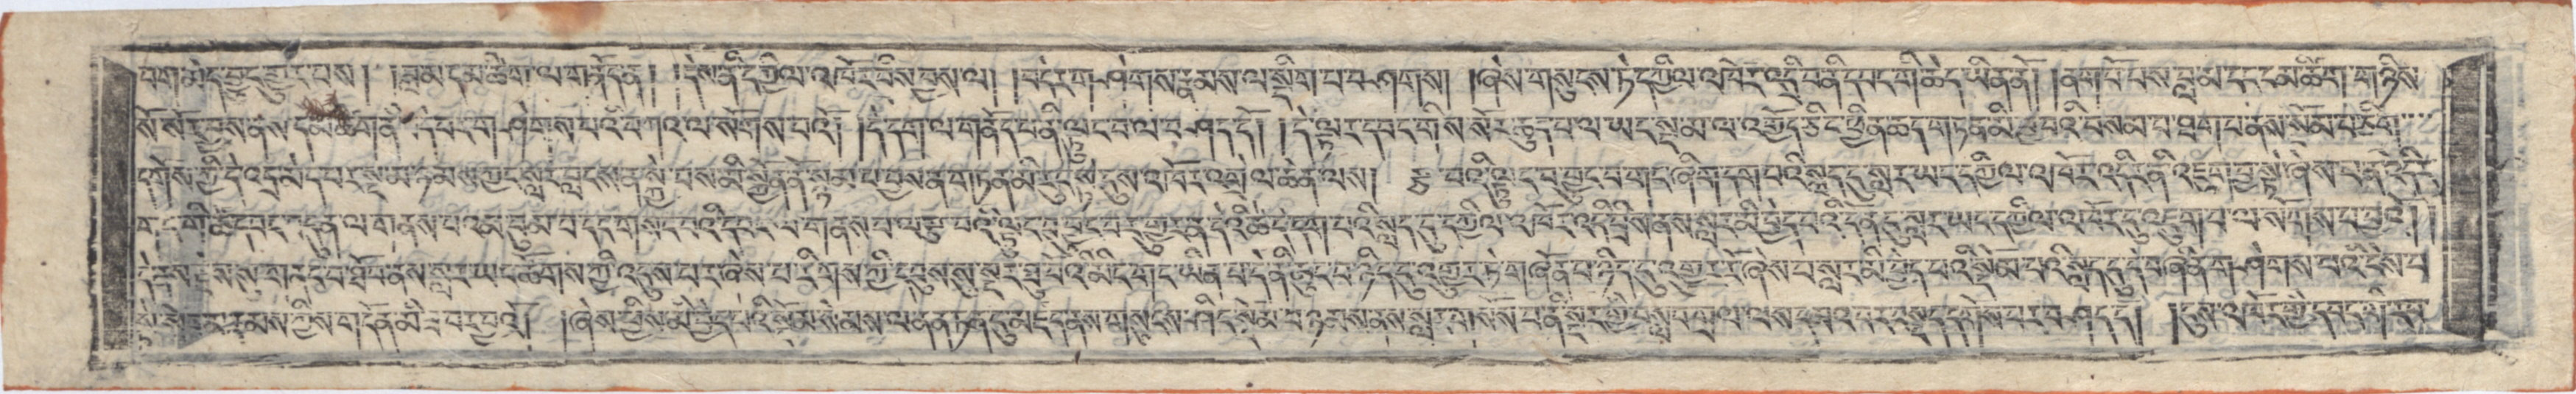བག་མེད་བྱུང་གྱུར་པས། །བླ་མ་དམ་ཚིག་ལ་གནོད་ནོ། །དེས་ནི་དཀྱིལ་འཁོར་བྲིས་བྱས་ལ། །བདེར་གཤེགས་རྣམས་ལ་སྡིག་པ་བཤགས། །ཞེས་གསུངས་ཏེ་དཀྱིལ་འཁོར་འདྲི་བ་ནི་དབང་གི་ཆེད་ཡིན་ནོ། །ནག་པོ་པས་བླ་མ་དང་དམ་ཚིག་གཉིས་
སོ་སོར་བྱས་ནས་དམ་ཚིག་ནི་བདེ་བར་གཤེགས་པའི་བཀའ་ལ་སོགས་པའོ། །དེ་དག་ལ་གནོད་པ་ནི་ལྟུང་བ་ལ་བཤད་དོ། །དེ་ལྟར་དབང་གིས་སོར་ཆུད་པ་ལ་ཡང་སྔ་མ་ལ་འགྱོད་ཅིང་ཕྱིན་ཆད་གཏན་མི་བྱ་བའི་བསམ་པ་ཐག་པ་ནས་སྡོམ་པ་ཅིག་
དགོས་ཀྱི་དེ་འདྲ་མེད་པར་སྔ་མ་ཉམས་ཀྱང་སླར་བླངས་ན་སྐྱེ་བས་མི་སྐྱོན་ནོ་སྙམ་པ་བྱས་ན་གཏན་མི་རུང་སྟེ་དུས་འཁོར་འགྲེལ་ཆེན་ལས། རྩ་བའི་ལྟུང་བ་བྱུང་བ་གང་ཞིག་དག་པའི་སླད་དུ་སླར་ཡང་དཀྱིལ་འཁོར་འདིར་ནི་འཇུག་བྱ་སྟེ་ཞེས་པ་ནི་འདིར་
གང་གི་ཚེ་དབང་བདུན་ལ་གནས་པའམ་བུམ་པ་དང་གསང་བའི་དབང་ལ་གནས་པ་ལ་རྩ་བའི་ལྟུང་བ་བྱུང་བར་གྱུར་ན་དེའི་ཚེ་དེ་དག་པའི་སླད་དུ་དཀྱིལ་འཁོར་འདི་བྲིས་ནས་སླར་མི་བྱེད་པའི་དོན་དུ་སླར་ཡང་དཀྱིལ་འཁོར་དུ་འཇུག་པ་ལ་སོགས་པ་བྱའོ། །
དེ་ནས་རྗེས་སུ་གནང་བ་ཐོབ་ནས་སླར་ཡང་ཚོགས་ཀྱི་འདུས་པར་ཞེས་པ་རིགས་ཀྱི་དབུས་སུ་སྔར་ཐུ་བོའི་མིང་གང་ཡིན་པ་དེ་ནི་ཆུང་བ་ཉིད་དུ་འགྱུར་ཏེ་གཞོན་པ་ཉིད་དུ་འགྱུར་རོ་ཞེས་པ་སླར་མི་བྱེད་པའི་སྡོམ་པའི་སླད་དུ་དེ་བཞིན་གཤེགས་པའི་ངེས་པ་
སྟེ་སློབ་མ་རྣམས་ཀྱིས་གདོན་མི་ཟ་བར་བྱའོ། །ཞེས་ཕྱིས་མི་བྱེད་པའི་སྡོམ་སེམས་ལ་ནན་ཏན་དུ་མཛད་ནས་གསུངས་ཤིང་སྡོམ་པ་ཉམས་ནས་སླར་གསོས་པ་ནི་སྔར་གྱི་བསླབ་གྲལ་ལས་དམའ་བར་བསྡད་དགོས་པར་བཤད་དོ། །དུས་འཁོར་གྱི་དབང་གི་རབ་